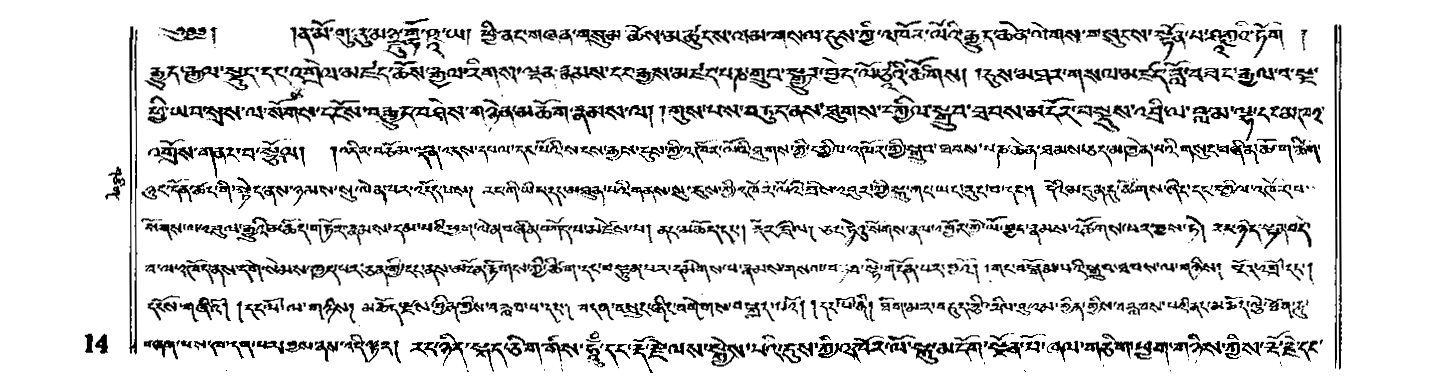༄༅༅། །ན་མོ་གུ་རུ་མཉྫུ་གྷོ་ཥཱ་ཡ། ཕྱི་ནང་གཞན་གསུམ་ཆོས་མཚུངས་ལམ་གསལ་དུས་ཀྱི་འཁོར་ལོའི་རྒྱུད་ཆེན་ལེགས་གསུངས་སྟོན་པ་ཤཱཀྱའི་ཏོག །
རྒྱུད་རྒྱལ་སྡུད་དང་འགྲེལ་མཛད་ཆོས་རྒྱལ་རིགས་ལྡན་རྣམས་དང་རྒྱས་མཛད་པཎ་གྲུབ་སྒྱུར་བྱེད་ལོ་ཙཱའི་ཚོགས། །དུས་མཐར་གསལ་མཛད་བློ་བཟང་རྒྱལ་བ་སྔ་
ཕྱི་ཡབ་སྲས་ལ་སོགས་དངོས་བརྒྱུད་བཤེས་གཉེན་མཆོག་རྣམས་ལ། །གུས་པས་བཏུད་ནས་ཐུགས་དཀྱིལ་སྒྲུབ་ཐབས་མདོར་བསྡུས་འབྲི་ལ་བླ་མ་ལྷ་དང་མཁའ་
འགྲོས་གནང་བ་སྩོལ། །འདིར་བཅོམ་ལྡན་འདས་དཔལ་དང་པོའི་སངས་རྒྱས་དུས་ཀྱི་འཁོར་ལོའི་ཐུགས་ཀྱི་དཀྱིལ་འཁོར་གྱི་སྒྲུབ་ཐབས་པཎ་ཆེན་ཐམས་ཅད་མཁྱེན་པའི་གསུང་བཞིན་ཆོ་ག་ཚིག་
ཉུང་དོན་ཚང་གི་སྟེང་ནས་ཉམས་སུ་ལེན་པར་འདོད་ལས། རང་གི་ཡིད་དང་མཐུན་པའི་གནས་སུ་དུས་ཀྱི་འཁོར་ལོའི་བྲིས་འབུར་གྱི་སྐུ་གང་ཡང་རུང་བ་དང་། དེའི་མདུན་དུ་ཚོགས་ཞིང་དང་དཀྱིལ་འཁོར་པ་
སོགས་ལ་འབུལ་རྒྱུའི་མཆོད་གཏོར་རྣམས་དམ་པའི་ཕྱག་ལེན་བཞིན་བཀོད་པ་མཛེས་པ། ནང་མཆོད་དང་། རྡོར་དྲིལ། ཅང་ཏེའུ་སོགས་རྣལ་འབྱོར་གྱི་ཡོ་བྱད་རྣམས་འཚོགས་པར་བྱས་ཏེ། རང་ཉིད་ལྡན་བདེ་
བ་ལ་འཁོར་ནས་དགེ་སེམས་ཁྱད་པར་ཅན་གྱི་ངང་ནས་མངོན་རྟོགས་ཀྱི་ཚིག་དང་བསྟུན་པར་དམིགས་པ་རྣམས་གསལ་བཏབ་སྟེ་གདོན་པར་བྱའོ། །གང་བསྒོམ་པའི་སྒྲུབ་ཐབས་ལ་གཉིས། སྔོན་འགྲོ་དང་།
དངོས་གཞིའོ། །དང་པོ་ལ་གཉིས། མཆོད་རྫས་བྱིན་གྱིས་བརླབ་པ་དང་། བདག་བསྲུང་ཞིང་བགེགས་བསྐྲད་པའོ། །དང་པོ་ནི། ཐོག་མར་བདུད་རྩི་རིལ་བུའམ་བྱིན་གྱིས་བརླབས་པའི་ནང་མཆོད་ལྕེ་ཐོག་ཏུ་
བཞག་པས་ཁ་དག་པར། བྱས་ནས་འདི་ལྟར། རང་ཉིད་སྐད་ཅིག་གིས་ཧཱུཾ་དང་རྡོ་རྗེ་ལས་སྐྱེས་པའི་དུས་ཀྱི་འཁོར་ལོ་སྐུ་མདོག་སྔོན་པོ་ཞལ་གཅིག་ཕྱག་གཉིས་ཀྱིས་རྡོ་རྗེ་དང་